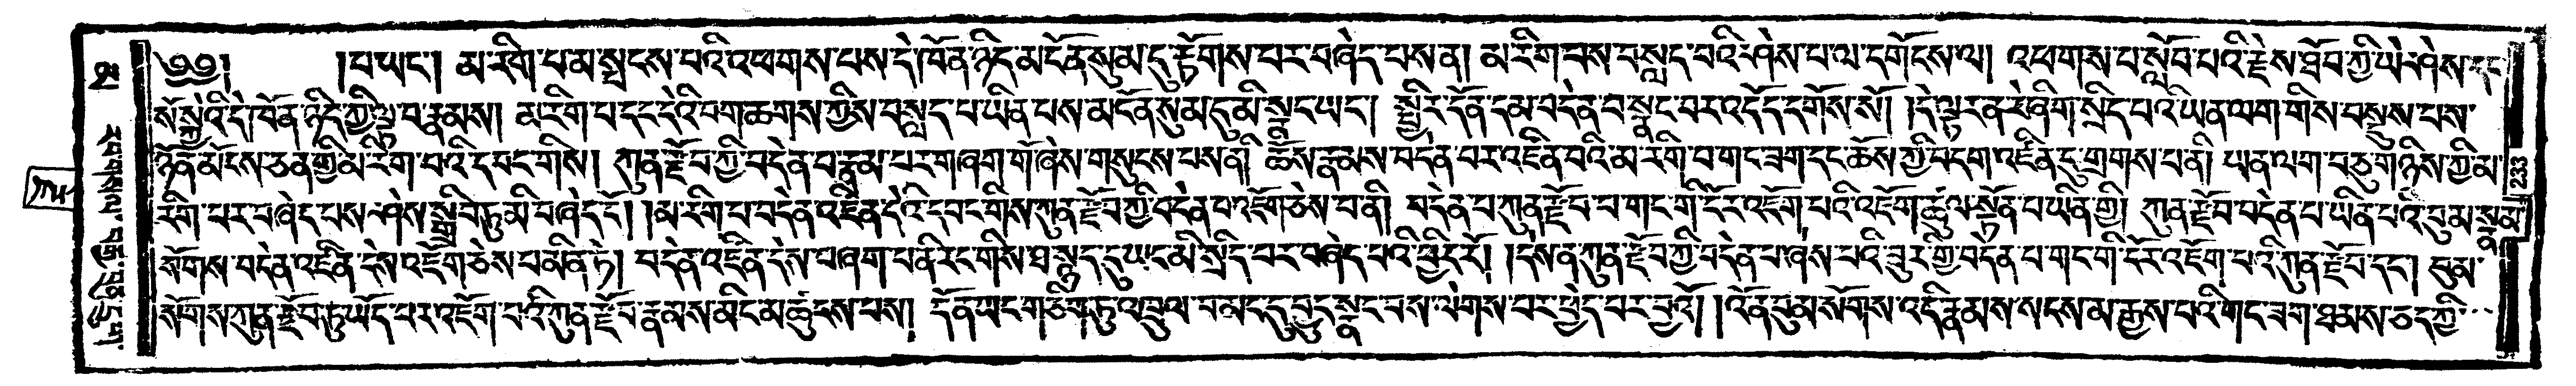༄༅། །པ་ཡང་། མ་རིག་པ་མ་སྤངས་པའི་འཕགས་པས་དེ་ཁོ་ན་ཉིད་མངོན་སུམ་དུ་རྟོགས་པར་བཞེད་པས་ན། མ་རིག་པས་བསླད་པའི་ཤེས་པ་ལ་དགོངས་ལ། འཕགས་པ་སློབ་པའི་རྗེས་ཐོབ་ཀྱི་ཡེ་ཤེས་དང་།
སོ་སྐྱེའི་དེ་ཁོ་ན་ཉིད་ཀྱི་ལྟ་བ་རྣམས། མ་རིག་པ་དང་དེའི་བག་ཆགས་ཀྱིས་བསླད་པ་ཡིན་པས་མངོན་སུམ་དུ་མི་སྣང་ཡང་། སྤྱིར་དོན་དམ་བདེན་པ་སྣང་བར་འདོད་དགོས་སོ། །དེ་ལྟར་ན་རེ་ཞིག་སྲིད་པའི་ཡན་ལག་གིས་བསྡུས་པས་
ཉོན་མོངས་ཅན་གྱི་མ་རིག་པའི་དབང་གིས། ཀུན་རྫོབ་ཀྱི་བདེན་པ་རྣམ་པར་གཞག་གོ་ཞེས་གསུངས་པས་ནི། ཆོས་རྣམས་བདེན་པར་འཛིན་པའི་མ་རིག་པ་གང་ཟག་དང་ཆོས་ཀྱི་བདག་འཛིན་དུ་གྲགས་པ་ནི། ཡན་ལག་བཅུ་གཉིས་ཀྱི་མ་
རིག་པར་བཞེད་པས་ཤེས་སྒྲིབ་ཏུ་མི་བཞེད་དོ། །མ་རིག་པ་བདེན་འཛིན་དེའི་དབང་གིས་ཀུན་རྫོབ་ཀྱི་བདེན་པ་འཇོག་ཅེས་པ་ནི། བདེན་པ་ཀུན་རྫོབ་པ་གང་གི་ངོར་འཇོག་པའི་འཇོག་ཚུལ་སྟོན་པ་ཡིན་གྱི། ཀུན་རྫོབ་བདེན་པ་ཡིན་པའི་བུམ་སྣམ་
སོགས་བདེན་འཛིན་དེས་འཇོག་ཅེས་པ་མིན་ཏེ། བདེན་འཛིན་དེས་བཞག་པ་ནི་རང་གིས་ཐ་སྙད་དུ་ཡང་མི་སྲིད་པར་བཞེད་པའི་ཕྱིར་རོ། །དེས་ན་ཀུན་རྫོབ་ཀྱི་བདེན་པ་ཞེས་པའི་ཟུར་གྱི་བདེན་པ་གང་གི་ངོར་འཇོག་པའི་ཀུན་རྫོབ་དང་། བུམ་
སོགས་ཀུན་རྫོབ་ཏུ་ཡོད་པར་འཇོག་པའི་ཀུན་རྫོབ་རྣམས་མིང་མཚུངས་པས། དོན་ཡང་གཅིག་ཏུ་འཁྲུལ་བ་མང་དུ་བྱུང་སྣང་བས་ལེགས་པར་ཕྱེད་པར་བྱའོ། །འོ་ན་བུམ་སོགས་འདི་རྣམས་སངས་མ་རྒྱས་པའི་གང་ཟག་ཐམས་ཅད་ཀྱི་